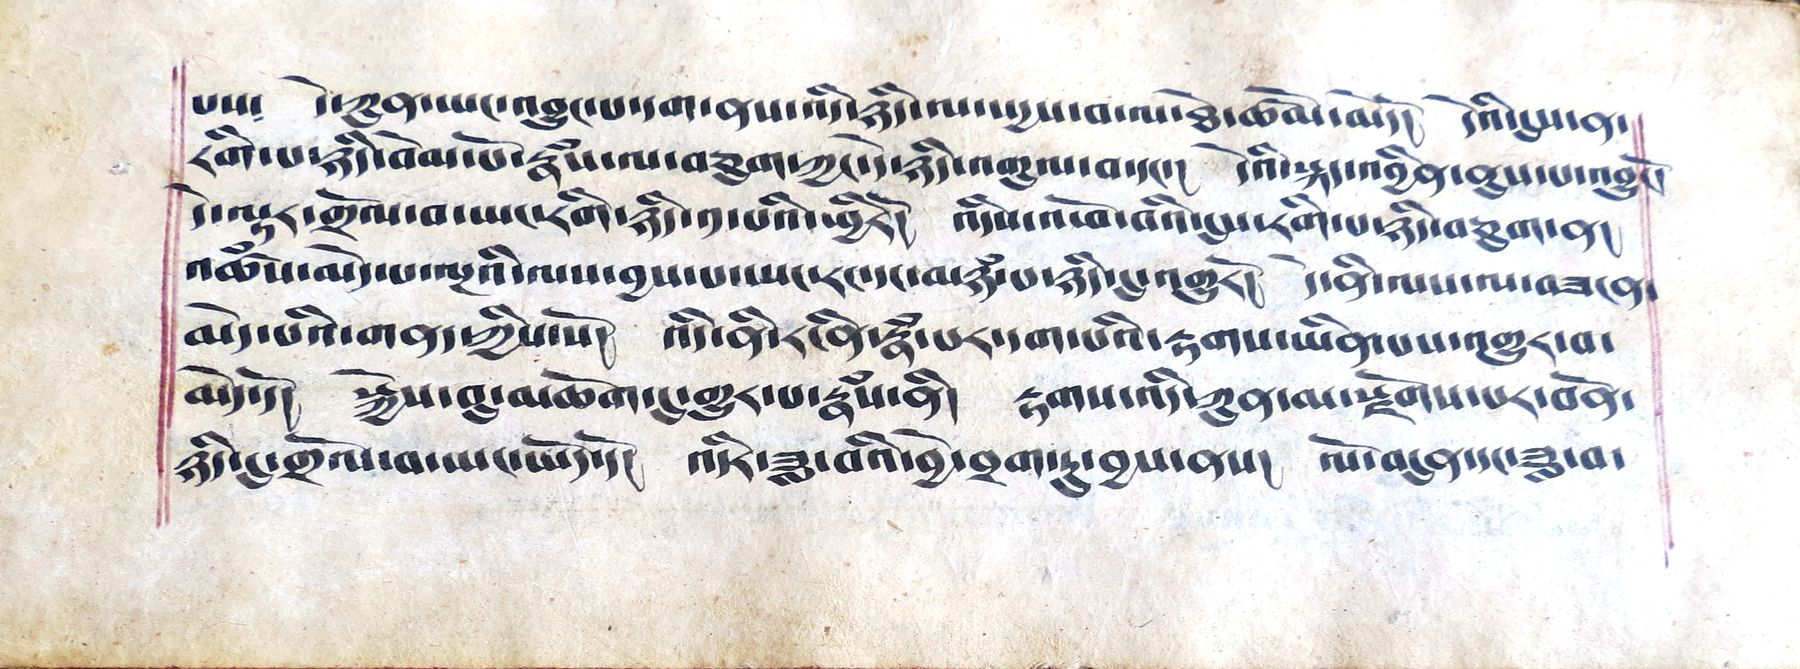པས། དེ་ཀུན་ཀྱང་འབྱུང་བ་དག་ནས། འདི་ཉིད་ལ་སངས་རྒྱས་པ་ལ་ཐེ་ཚོམ་མེད་དོ། །དེའི་དུས་ན་
རིག་པ་ཉིད་བེམ་པོ་རྣམས་ལ་བཅུག་ཀྱང་། དེ་ཉིད་འགུལ་བ་དང་། དེས་སྐད་འབྱིན་ནུས་པ་འབྱུང་ངོ་། །
དེ་ཉིད་གྲོལ་བ་ཡང་སེམས་ཉིད་དང་རིག་པ་ཉིད་གཅིག་པའི་ཕྱིར་རོ། །འདིས་འཕོ་བའི་དུས་སུ་རིག་པ་ཉིད་བཅུག་ན། 
མཚམས་མེད་པ་ལྔའི་ལས་བྱས་པ་ཡང་། རང་དང་མཉམ་པར་འགྱུར་རོ། །དེ་ནི་ལས་ལ་བཟང་ངན་
མེད་པའི་གནད་ཀྱིས་སོ། །འདི་ནི་རང་བཞིན་རྣམ་པར་དག་པའི་རྟགས་ཡིན་པས་འགྱུར་བ་
མེད་དོ། །སྐྱེ་བུ་མཆོག་ཏུ་གྱུར་པ་རྣམས་ནི། རྟགས་འདི་ཐམས་ཅད་མ་རྫོགས་པར་བོན་
ཉིད་དུ་གྲོལ་བ་ཡང་ཡོད་དོ། །འདིར་ཟླ་བའི་བྱེ་བྲག་ཏུ་འབྱེད་ན། ལོ་བདུན་དང་ཟླ་བ་